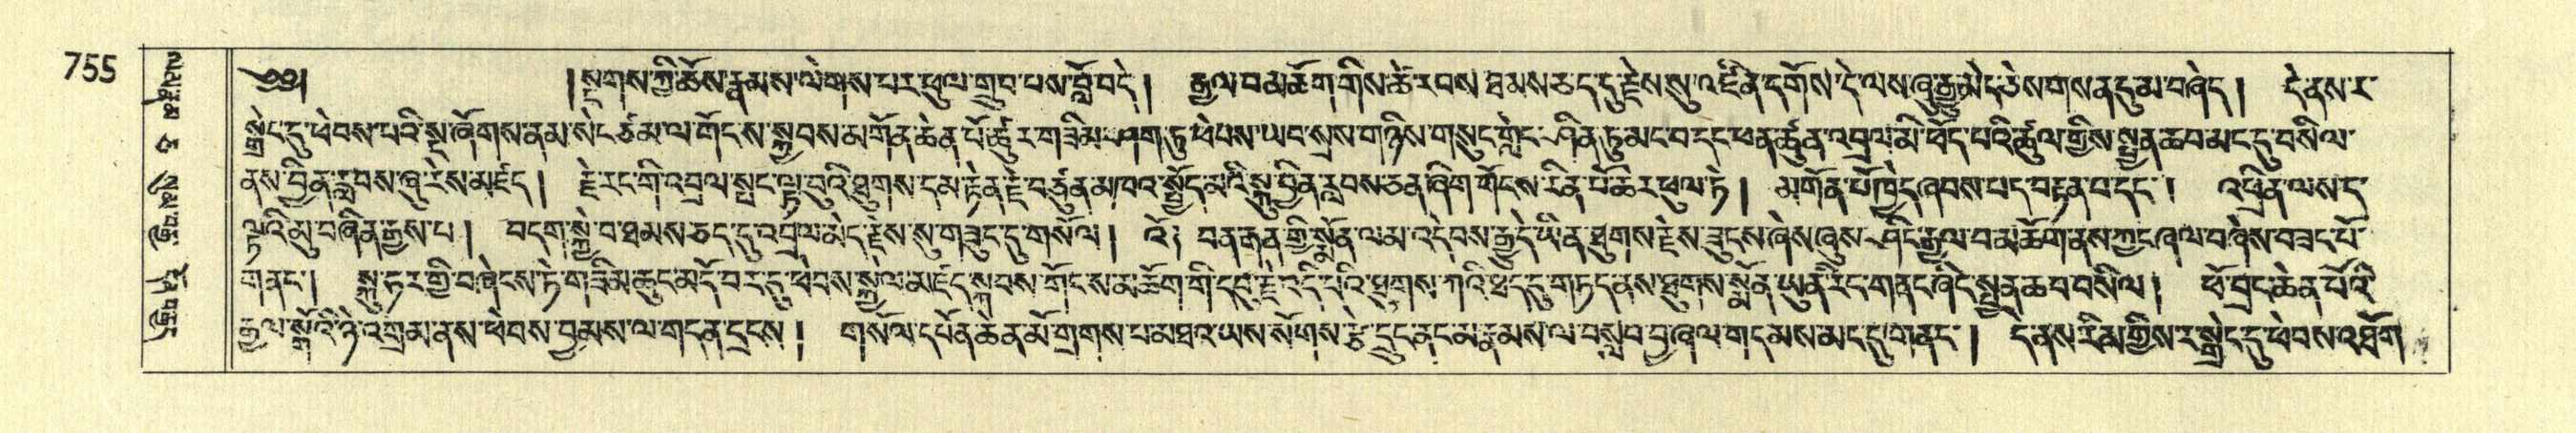༄༅། །སྔགས་ཀྱི་ཆོས་རྣམས་ལེགས་པར་ཕུལ་གྲུབ་པས་བློ་བདེ། རྒྱལ་བ་མཆོག་གིས་ཚེ་རབས་ཐམས་ཅད་དུ་རྗེས་སུ་འཛིན་དགོས་དེ་ལས་ཞུ་རྒྱུ་མེད་ཅེས་གསན་དུ་མ་བཞེད། དེ་ནས་ར་
སྒྲེང་དུ་ཕེབས་པའི་སྔ་ཞོགས་ནམ་སེང་ཙམ་ལ་གོང་ས་སྐྱབས་མགོན་ཆེན་པོ་ཚུར་གཟིམ་ཤག་ཏུ་ཕེབས་ཡབ་སྲས་གཉིས་གསུང་གླེང་ཤིན་ཏུ་མང་བ་དང་ཕན་ཚུན་འབྲལ་མི་ཕོད་པའི་ཚུལ་གྱིས་སྤྱན་ཆབ་མང་དུ་བསིལ་
ནས་བྱིན་རླབས་ཞུ་རེས་མཛད། རྗེ་རང་གི་འབྲལ་སྤང་ལྟ་བུའི་ཐུགས་དམ་རྟེན་རྗེ་བཙུན་མཁའ་སྤྱོད་མའི་སྐུ་བྱིན་རླབས་ཅན་ཞིག་གོངས་རིན་པོ་ཆེར་ཕུལ་ཏེ། མགོན་པོ་ཁྱེད་ཞབས་པད་བརྟན་པ་དང་། འཕྲིན་ལས་ད་
ལྟའི་མུ་བཞིན་རྒྱས་པ། བདག་སྐྱེ་བ་ཐམས་ཅད་དུ་འབྲལ་མེད་རྗེས་སུ་གཟུང་དུ་གསོལ། འོ༑ བན་རྒན་གྱི་སྨོན་ལམ་འདེབས་རྒྱུ་དེ་ཡིན་ཐུགས་རྗེས་ཟུངས་ཞེས་ཞུས་ཤིང་རྒྱལ་བ་མཆོག་ནས་ཀྱང་ཞལ་བཞེས་བཟང་པོ་
གནང་། སྐུ་ཧར་གྱི་བཞེངས་ཏེ་གཟིམ་ཆུང་མདོ་བར་དུ་ཕེབས་སྐྱེལ་མཛད་སྐབས་གོང་ས་མཆོག་གི་དབུ་རྗེ་འདི་པའི་ཐུགས་ཀའི་ཐད་དུ་གཏད་ནས་ཐུགས་སྨོན་ཡུན་རིང་གནང་ཞིང་སྤྱན་ཆབ་བསིལ། ཕོ་བྲང་ཆེན་པོའི་
རྒྱལ་སྒོའི་ཉེ་འགྲམ་ནས་ཕེབས་བྱམས་ལ་གདན་དྲངས། གསོལ་དཔོན་ཆེན་མོ་གྲགས་པ་མཐའ་ཡས་སོགས་རྩེ་དྲུང་ནང་མ་རྣམས་ལ་བསླབ་བྱ་ཞལ་གདམས་མང་དུ་གནང་། དེ་ནས་རིམ་གྱིས་ར་སྒྲེང་དུ་ཕེབས་འཐོག་